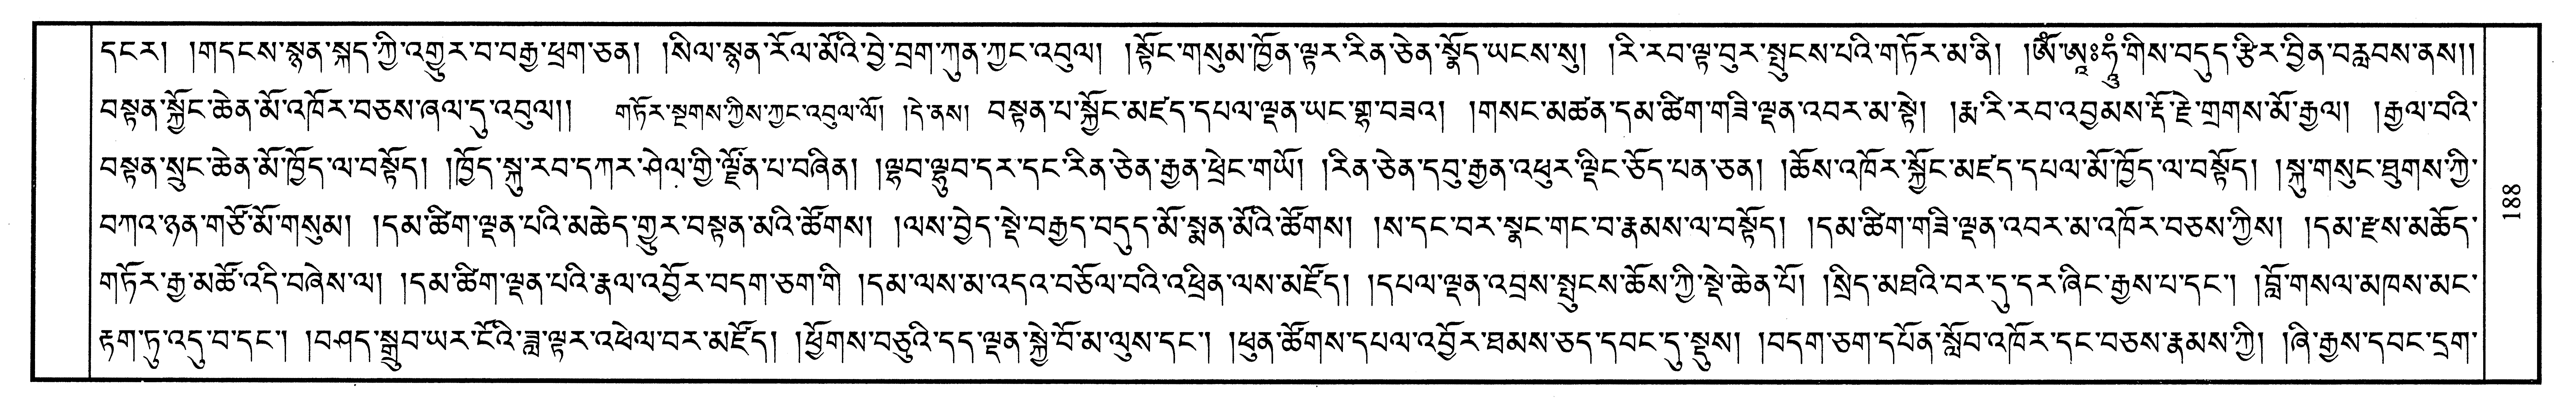དངར། །གདངས་སྙན་སྐད་ཀྱི་འགྱུར་བ་བརྒྱ་ཕྲག་ཅན། །སིལ་སྙན་རོལ་མོའི་བྱེ་བྲག་ཀུན་ཀྱང་འབུལ། །སྟོང་གསུམ་ཁྱོན་ལྟར་རིན་ཅེན་སྣོད་ཡངས་སུ། །རི་རབ་ལྟ་བུར་སྤུངས་པའི་གཏོར་མ་ནི། །ཨོཾ་ཨཱཿ ཧཱུཾ་གིས་བདུད་རྩིར་བྱིན་བརླབས་ནས།།
བསྟན་སྐྱོང་ཆེན་མོ་འཁོར་བཅས་ཞལ་དུ་འབུལ།། གཏོར་སྔགས་ཀྱིས་ཀྱང་འབུལ་ལོ། །དེ་ནས། བསྟན་པ་སྐྱོང་མཛད་དཔལ་ལྡན་ཡང་གྷ་བཟའ། །གསང་མཚན་དམ་ཚིག་གཟི་ལྡན་འབར་མ་སྟེ། །རྨ་རི་རབ་འབྱམས་རྡོ་རྗེ་གྲགས་མོ་རྒྱལ། །རྒྱལ་བའི་
བསྟན་སྲུང་ཆེན་མོ་ཁྱོད་ལ་བསྟོད། །ཁྱོད་སྐུ་རབ་དཀར་ཤེལ་གྱི་ལྗོན་པ་བཞིན། །ལྷབ་ལྷུབ་དར་དང་རིན་ཅེན་རྒྱན་ཕྲེང་གཡོ། །རིན་ཅེན་དབུ་རྒྱན་འཕུར་ལྡིང་ཅོད་པན་ཅན། །ཆོས་འཁོར་སྐྱོང་མཛད་དཔལ་མོ་ཁྱོད་ལ་བསྟོད། །སྐུ་གསུང་ཐུགས་ཀྱི་
བཀའ་ཉན་གཙོ་མོ་གསུམ། །དམ་ཚིག་ལྡན་པའི་མཆེད་གྱུར་བསྟན་མའི་ཚོགས། །ལས་བྱེད་སྡེ་བརྒྱད་བདུད་མོ་སྨན་མོའི་ཚོགས། །ས་དང་བར་སྣང་གང་བ་རྣམས་ལ་བསྟོད། །དམ་ཚིག་གཟི་ལྡན་འབར་མ་འཁོར་བཅས་ཀྱིས། །དམ་རྫས་མཆོད་
གཏོར་རྒྱ་མཚོ་འདི་བཞེས་ལ། །དམ་ཚིག་ལྡན་པའི་རྣལ་འབྱོར་བདག་ཅག་གི །དམ་ལས་མ་འདའ་བཅོལ་བའི་འཕྲིན་ལས་མཛོད། །དཔལ་ལྡན་འབྲས་སྤུངས་ཆོས་ཀྱི་སྡེ་ཆེན་པོ། །སྲིད་མཐའི་བར་དུ་དར་ཞིང་རྒྱས་པ་དང་། །བློ་གསལ་མཁས་མང་
རྟག་ཏུ་འདུ་བ་དང་། །བཤད་སྒྲུབ་ཡར་ངོའི་ཟླ་ལྟར་འཕེལ་བར་མཛོད། །ཕྱོགས་བཅུའི་དད་ལྡན་སྐྱེ་བོ་མ་ལུས་དང་། །ཕུན་ཚོགས་དཔལ་འབྱོར་ཐམས་ཅད་དབང་དུ་སྡུས། །བདག་ཅག་དཔོན་སློབ་འཁོར་དང་བཅས་རྣམས་ཀྱི། །ཞི་རྒྱས་དབང་དྲག་